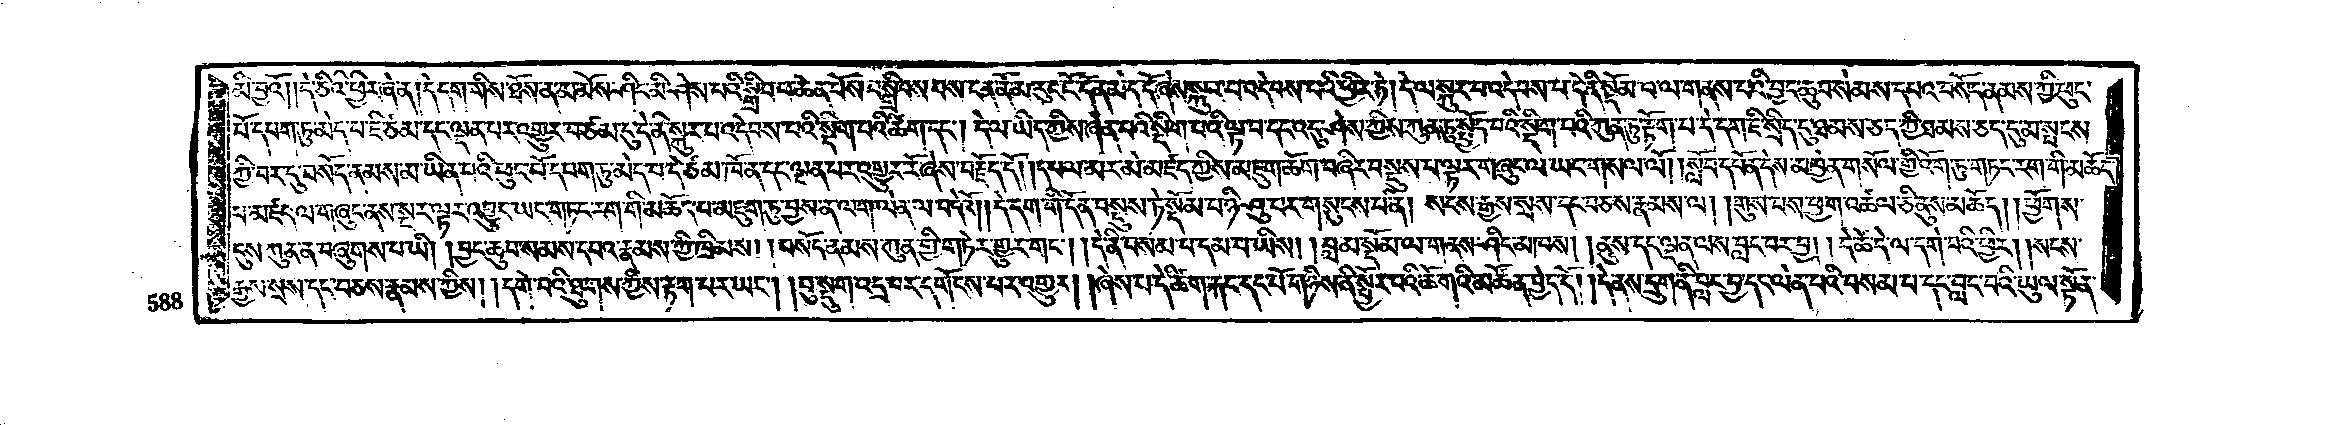མི་བྱའོ། །དེ་ཅིའི་ཕྱིར་ཞེ་ན། དེ་དག་གིས་ཐོས་ན་མ་མོས་ཤིང་མི་ཤེས་པའི་སྒྲིབ་པ་ཆེན་པོས་བསྒྲིབས་པས་ངན་ནོ་མ་རུང་ངོ་དོན་མེད་དོ་ཞེས་སྐུར་བ་འདེབས་པའི་ཕྱིར་ཏེ། དེ་ལ་སྐུར་བ་འདེབས་པ་དེ་ནི་སྡོམ་པ་ལ་གནས་པའི་བྱང་ཆུབ་སེམས་དཔའ་བསོད་ནམས་ཀྱི་ཕུང་
པོ་དཔག་ཏུ་མེད་པ་ཇི་ཙམ་དང་ལྡན་པར་འགྱུར་བ་ཙམ་དུ་དེ་ནི་སྐུར་པ་འདེབས་པའི་སྡིག་པའི་ཚིག་དང་། དེ་ལ་ཡིད་ཀྱིས་ཞེན་པའི་སྡིག་པའི་ལྟ་བ་དང་འདུ་ཤེས་ཀྱིས་ཀུན་ཏུ་སྤྱོད་པའི་སྡིག་པའི་ཀུན་ཏུ་རྟོག་པ་དེ་དག་ཇི་སྲིད་དུ་ཐམས་ཅད་ཀྱི་ཐམས་ཅད་དུ་མ་སྤངས་
ཀྱི་བར་དུ་བསོད་ནམས་མ་ཡིན་པའི་ཕུང་པོ་དཔག་ཏུ་མེད་པ་དེ་ཙམ་ཁོ་ན་དང་ལྡན་པར་འགྱུར་རོ་ཞེས་བརྗོད་དོ། །དཔལ་མར་མེ་མཛད་ཀྱིས་མཇུག་ཆོག་བཞིར་བསྡུས་པ་ལྟར་གཞུང་ལ་ཡང་གསལ་ལོ། །སློབ་དཔོན་དེས་མཁྱེན་གསོལ་གྱི་འོག་ཏུ་གཏང་རག་གི་མཆོད་
པ་མཛད་ལ་གཞུང་ནས་སྔར་ལྟར་འབྱུང་ཡང་གཏང་རག་གི་མཆོད་པ་མཇུག་ཏུ་བྱས་ན་ལག་ལེན་ལ་བདེའོ། །དེ་དག་གི་དོན་བསྡུས་ཏེ་སྡོམ་པ་ཉི་ཤུ་པར་གསུངས་པ་ནི། སངས་རྒྱས་སྲས་དང་བཅས་རྣམས་ལ། །གུས་པས་ཕྱག་འཚལ་ཅི་ནུས་མཆོད། །ཕྱོགས་
དུས་ཀུན་ན་བཞུགས་པ་ཡི། །བྱང་ཆུབ་སེམས་དཔའ་རྣམས་ཀྱི་ཁྲིམས། །བསོད་ནམས་ཀུན་གྱི་གཏེར་གྱུར་གང་། །དེ་ནི་བསམ་པ་དམ་པ་ཡིས། །བླ་མ་སྡོམ་ལ་གནས་ཤིང་མཁས། །ནུས་དང་ལྡན་ལས་བླང་བར་བྱ། །དེ་ཚེ་དེ་ལ་དགེ་བའི་ཕྱིར། །སངས་
རྒྱས་སྲས་དང་བཅས་རྣམས་ཀྱིས། །དགེ་བའི་ཐུགས་ཀྱིས་རྟག་པར་ཡང་། །བུ་སྡུག་འདྲ་བར་དགོངས་པར་འགྱུར། །ཞེས་པ་དེ་ཚིག་རྐང་དང་པོ་གཉིས་ནི་སྦྱོར་བའི་ཆོ་གའི་མཚོན་བྱེད་དོ། །དེ་ནས་དྲུག་ནི་བླང་བྱ་དང་ལེན་པའི་བསམ་པ་དང་བླང་བའི་ཡུལ་སྟོན་